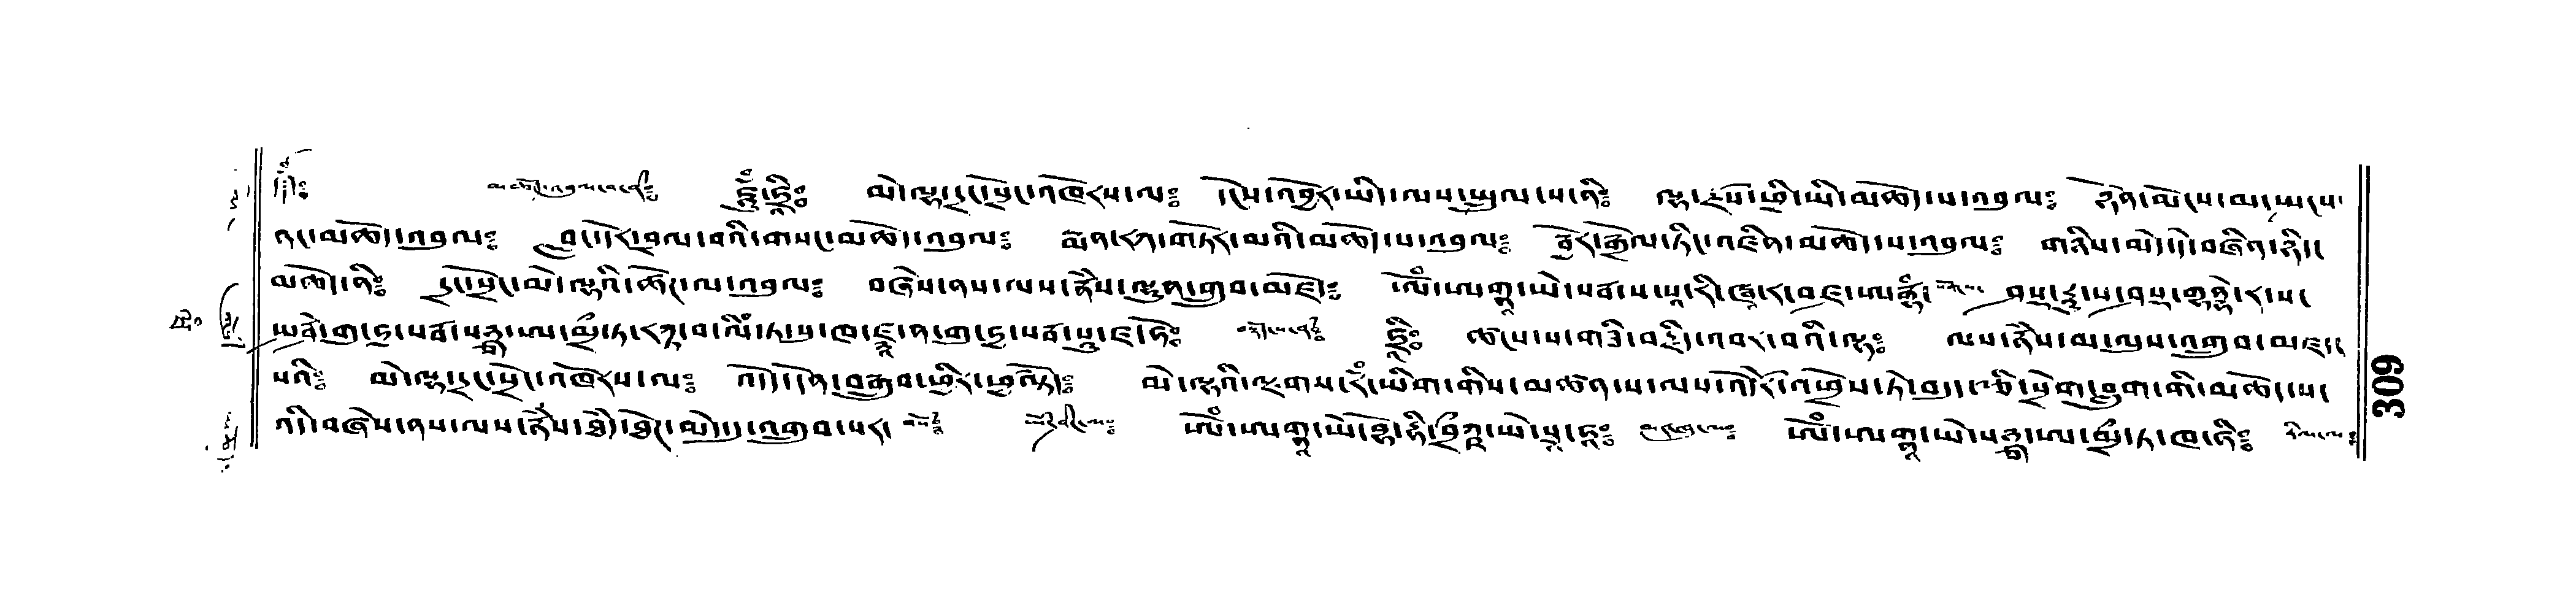མཆོད་འབུལ་བ་ནི༔ ཧཱུྃ་ཧྲཱིཿ མེ་ལྷ་དྲང་སྲོང་འཁོར་བཅས་ལ༔ དངོས་འབྱོར་ཡིད་ལས་སྤྲུལ་པ་ནི༔ ལྷ་རྫས་ཕྱི་ཡི་མཆོད་པ་འབུལ༔ ཉོན་མོངས་མ་སྤངས་
ནང་མཆོད་འབུལ༔ བླང་དོར་བྲལ་བའི་གསང་མཆོད་འབུལ༔ སྨན་རཀ་གཏོར་མའི་མཆོད་པ་འབུལ༔ སྦྱོར་སྒྲོལ་ཏིང་འཛིན་མཆོད་པ་འབུལ༔ གཉིས་མེད་དེ་བཞིན་ཉིད་
མཆོད་ནི༔ དྲང་སྲོང་མེ་ལྷའི་ཚོགས་ལ་འབུལཿ བཞེས་ནས་ལས་རྣམས་ལྷུན་གྲུབ་མཛོད༔ ཨོཾ་ཨགྷཱ་ཡེ་སརྦ་ས་པཱ་རི་ཝཱ་ར་བཛྲ་ཨརྒྷཾ་སོགས༔ ཤཔྡ་རཱུ་པ་ཤཔྡ་གྷནྡྷེ་ར་ས་
སྤརྴེ་གུ་ཧྱ་སརྦ་པཉྩ་ཨ་མྲྀ་ཏ་རཀྟ་བ་ལིཾ་ཏ་པུ་ཁ་ཛྙཱ་ན་གུ་ཧྱ་སརྦ་པཱུ་ཛ་ཧོཿ བསྟོད་པ་ནི༔ ཧྲཱིཿ ཚངས་པ་གཟི་བརྗིད་དའབར་བའི་ལྷ༔ ལས་རྣམས་མ་ལུས་འགྲུབ་མཛད་
པའི༔ མེ་ལྷ་དྲང་སྲོང་འཁོར་འདས་ལ༔ འདོད་དོན་བསྒྲུབ་ཕྱིར་ཕྱག་འཚལ་བསྟོད༔ མེ་ལྷའི་ལྗགས་རྃ་ཡིག་གིས་མཚན་པ་ལས་འོད་ཟེར་འཕྲོས་ཏེ་བདུད་རྩི་སྲོག་བླུག་གི་མཆོད་པ་
འདི་བཞེས་ནས་ལས་རྣམས་ཐམས་ཅད་ཐོགས་མེད་དུ་འགྲུབ་པར་བསམ༔ ཡམ་ཤིང་ལ༔ ཨོཾ་ཨགྷཱ་ཡེ་བྷོ་དྷི་བྲྀཀྵ་ཡེ་སྭ་ཧཱ༔ མར་ཁུ་ལ༔ ཨོཾ་ཨགྷཱ་ཡེ་པཉྩ་ཨ་མྲྀ་ཏ་ཁ་ཧི༔ཏིལ་ལ༔